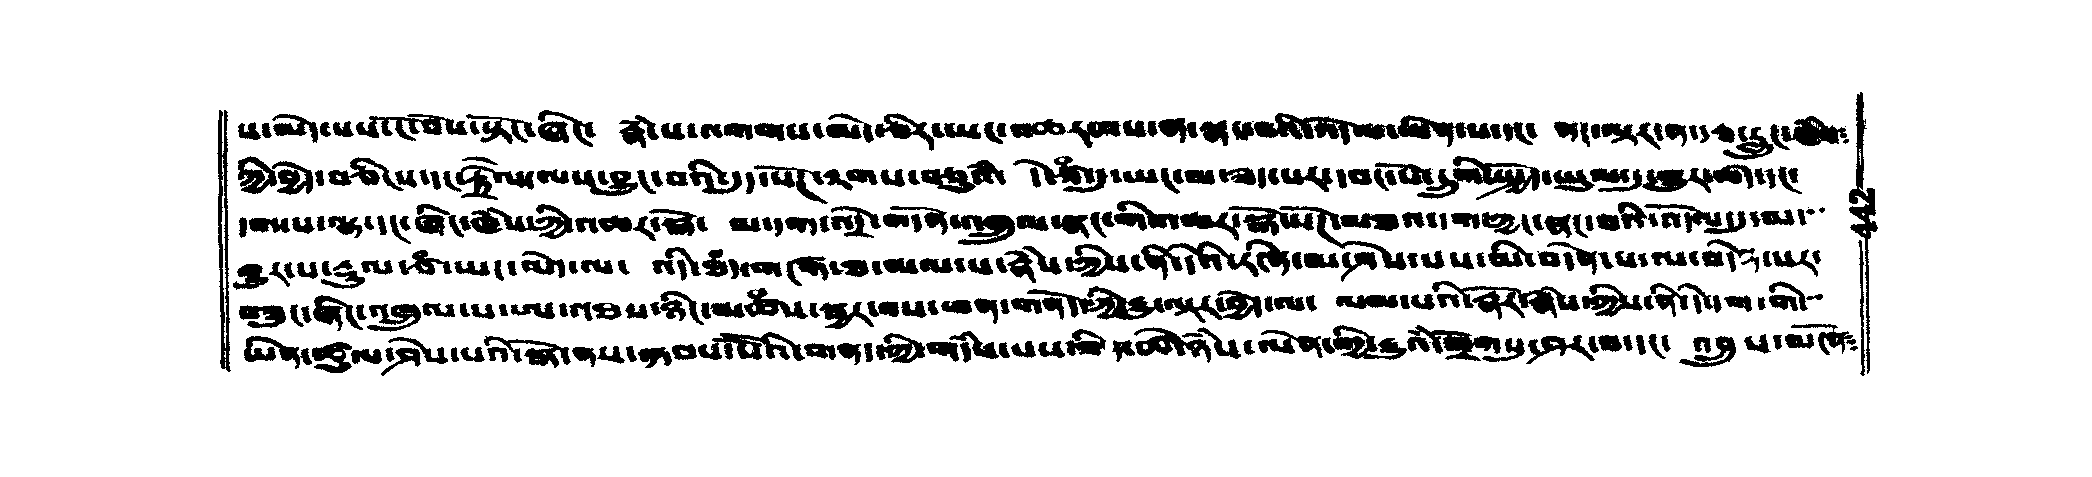པ་མེད་པས་ངོ་བོ་སྟོང་ཞིང་། རྣམ་པ་འགགས་མེད་ཅིར་ཡང་འཆར་བས་ན་སྣང་བའི་འོད་གསལ་ཡིན་པ་དང་། ནང་ལྟར་ན་རྩ་རླུང་ཁམས་
ཀྱི་བྱེད་བཅིངས་དང་རྟེན་འབྲེལ་ལས་བྱུང་བའི་དུད་སོགས་རྟགས་བཅུའམ། དེ་ཙམ་དུ་ཡང་མ་ཟད་པར་པར་དབང་པོ་དྲུག་གི་སྤྱོད་ཡུལ་དུ་གྱུར་ཚད་དང་། 
དག་པ་སྐུ་དང་ཞིང་ཁམས་ཀྱི་འཆར་སྒོ་མ་དག་འདྲེ་གདོན་འཁྲུལ་སྣང་གི་འཆར་སྒོ་སོགས་མཐའ་དག་ཀྱང་སྣང་བའི་འོད་གསལ་དུ་མ་
གྱུར་པ་རྡུལ་ཙམ་ཡང་མེད་ལ། འདི་ཐམས་ཅད་གདམས་ངག་ཐ་མལ་པ་རྣམས་ཀྱིས་ནི་དེའི་རང་བཞིན་མ་ཤེས་པས་མི་བདེན་པ་ལ་བདེན་པར་
བཟུང་ཞིང་འཁྲུལ་པ་ཨ་འཐས་ཉིང་མཚམས་སྦྱར་བས་ཕན་གནོད་ཀྱི་རྒྱུ་ལྟར་བྱེད་ལ།ལམ་པའི་རྣལ་འབྱོར་རྣམས་ཀྱིས་ནི་དེ་དག་གི་
ཡིན་ཚུལ་ཤེས་པའི་སྒོ་ནས་སྐབས་སོ་་སོའི་གནད་ཀྱི་གདམས་པས་ཟིན་ཚེ་ཉམས་ལེན་གྱི་རྒྱུའམ་གྲོགས་སུ་ཤར་བ་དང་། འབྲས་བུ་མངོན་